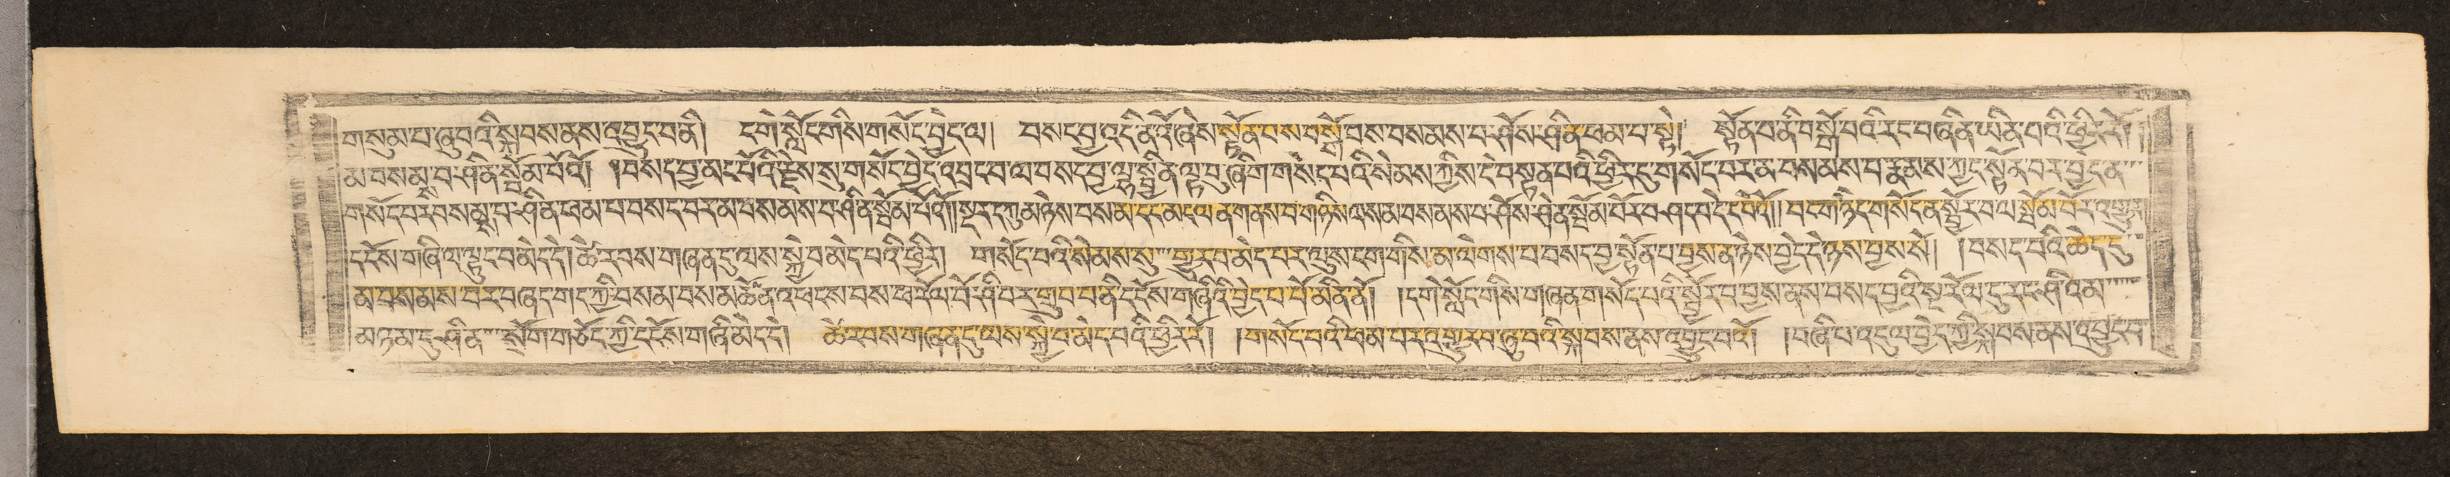གསུམ་པ་ཞུ་བའི་སྐབས་ནས་འབྱུང་བ་ནི། དགེ་སློང་གིས་གསོད་བྱེད་ལ། བསང་བྱ་འདི་ནའོ་ཞེས་སྟོན་པས་བསྒོ་བས་བསམས་པ་ཤོས་ཤིན་ཕམ་པ་སྟེ། སྟོན་པ་ནི་བསྒོ་བའི་རང་བཞིན་ཡིན་པའི་ཕྱིར་རོ། །
མ་བསམས་པ་ཤིན་སྦོམ་པོའོ། །བསང་བྱ་མང་པོའི་རྗེས་སུ་གསོད་བྱེད་འབྲང་བ་ལ་བསང་བྱ་ལྷ་སྦྱིན་ལྟ་བུ་ཞིག་གསོད་པའི་སེམས་ཀྱིས་དེ་བསྟན་པའི་ཕྱིར་དུ་གསོད་པར་མ་བསམས་པ་རྣམས་ཀྱང་སྟོན་པར་བྱེད་ན་
གསོད་པར་བསམས་པ་ཤིན་ཕམ་པ་བསང་བར་མ་བསམས་པ་ཤིན་སྦོམ་པོའོ། །སྔར་དཀུ་མཉེས་པས་མ་དང་མངལ་ན་གནས་པ་གཉིས་ལས་མ་བསམས་པ་ཤོས་ཤིན་སྦོམ་པོར་བཤད་པ་དེ་དཔེའོ།། བདག་ཉིད་གསོད་ན་སྦྱོར་བ་ལ་སྦོམ་པོར་འགྱུར།
དངོས་གཞི་ལ་ལྟུང་བ་མེད་དེ། ཚེ་རབས་གཞན་དུ་ལས་སྐྱེ་བ་མེད་པའི་ཕྱིར། གསོད་པའི་སེམས་སུ་གྱུར་བ་མེད་པར་ལུས་ངག་གིས་མ་ལེགས་པ་བསང་བྱ་སྟོན་པ་བྱས་ན་ཉེས་བྱེད་དེ་ཉེས་བྱས་སོ། །བསད་པའི་ཆེད་དུ་
མ་བསམས་པར་བཞད་གང་ཀྱི་བསམ་པས་མཚོན་འཕངས་པས་ཕ་རོལ་བོ་ཤི་བར་གྲུབ་པ་ནི་དངོས་གཞིའི་བྱེད་པ་པོ་མིན་ནོ། །དགེ་སློང་གིས་གཞན་གསོད་པའི་སྦྱོར་བ་བྱས་ནས་བསད་བྱའི་སྔ་རོལ་དུ་རང་ཤིའམ་
མཉམ་དུ་ཤིན་སྲོག་གཅོད་ཀྱི་དངོས་གཞི་མེད་དེ། ཚེ་རབས་གཞན་དུ་ལས་སྐྱེ་བ་མེད་པའི་ཕྱིར་རོ། །གསོད་པའི་ཕམ་པར་འགྱུར་བ་ཞུ་བའི་སྐབས་ནས་འབྱུང་བའོ། །བཞི་པ་འདུལ་བྱེད་ཀྱི་སྐབས་ནས་འབྱུང་བ་